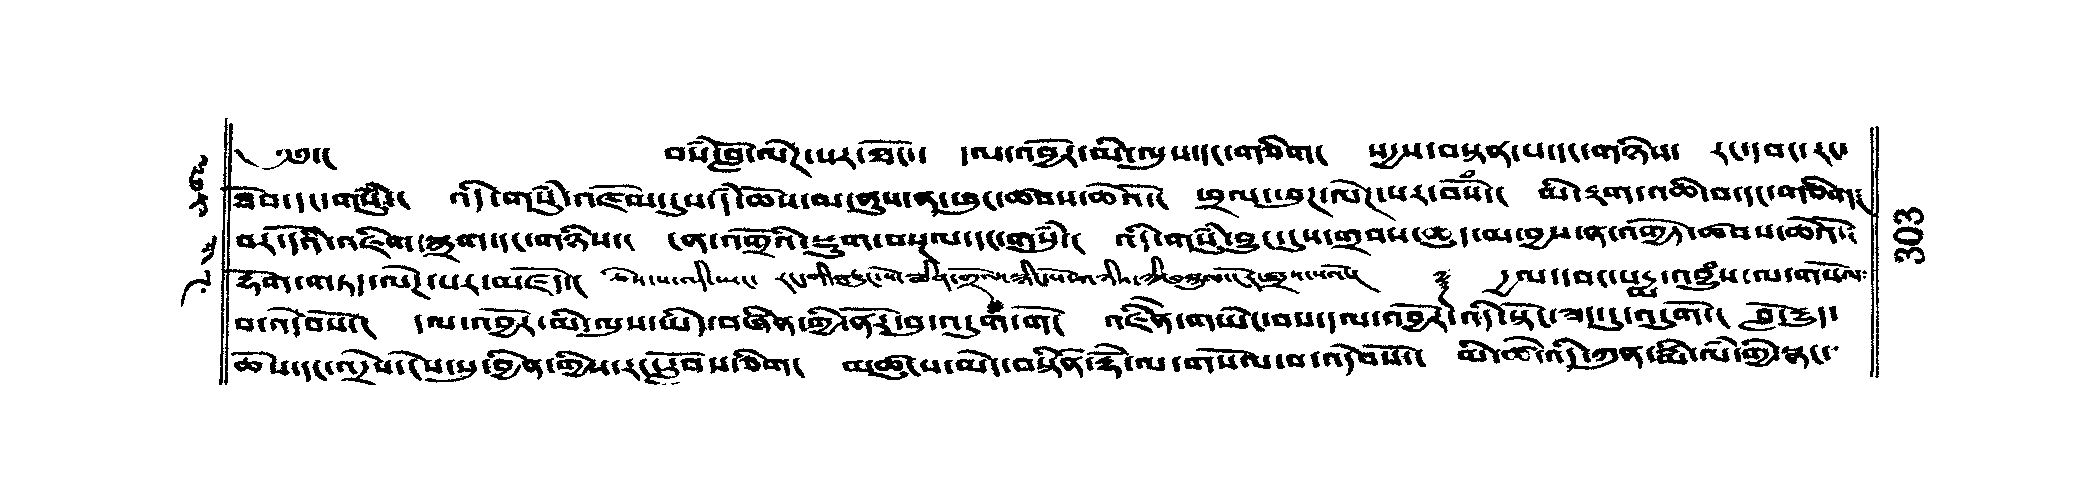བསམ་བློ་ལེགས་པར་ཐོང་། དལ་འབྱོར་མི་ལུས་དང་གཅིག སངས་རྒྱས་བསྟན་པ་དང་གཉིས། །རང་དབང་
རང་ཐོབ་དང་གསུམ། འདི་གསུམ་འཛོམ་དུས་དམ་ཆོས་མ་ནུས་ན་ཕུང་ཚབས་ཆེའོ། ཕྲལ་ཕུགས་ལེགས་པར་བསམ་མོ།། མི་རྟག་འཆི་བ་དང་གཅིག 
བར་དོའི་འཇིག་སྐྲག་དང་གཉིས། ངན་འགྲོའི་སྡུག་བསྔལ་དང་གསུམ། འདི་གསུམ་བྱུང་དུས་གྲབས་ཆུད་མ་བྱས་ན་འགྱོད་ཚབས་ཆེའོ།།
རྡོག་གཏད་ལེགས་པར་མཛོད། ཅེས་པ་འདི་ཡང་། རང་གི་གཅུང་པོ་དང་། སྨིན་གྲོལ་སྙིང་པོ་གཉིས་ཀྱི་བསྐུལ་ངོར་སྨྲས་པའོ།། ༈ རྒྱལ་དབང་པདྨ་འབྱུང་གནས་ལ་གསོལ་
བ་འདེབས་སོ། །དལ་འབྱོར་མི་ལུས་ཡིད་བཞིན་གྱི་ནོར་བུ་འདུག་གོ །འཇིག་རྟེན་གཡེང་བས་དལ་འབྱོར་འདྀ་སྟོང་ཟད་དུ་འདུག་གོ །བློ་རྒྱུད་
ཆོས་དང་འདྲེས་ངེས་སུ་བྱིན་གྱིས་རང་རློབས་ཤིག །མཚུངས་མེད་བསྟན་འཛིན་རྡོ་རྗེ་ལ་གསོལ་བ་འདེབས་སོ། །མི་ཚེ་འདི་ཀུན་རྨི་ལམ་གྱི་སྣང་